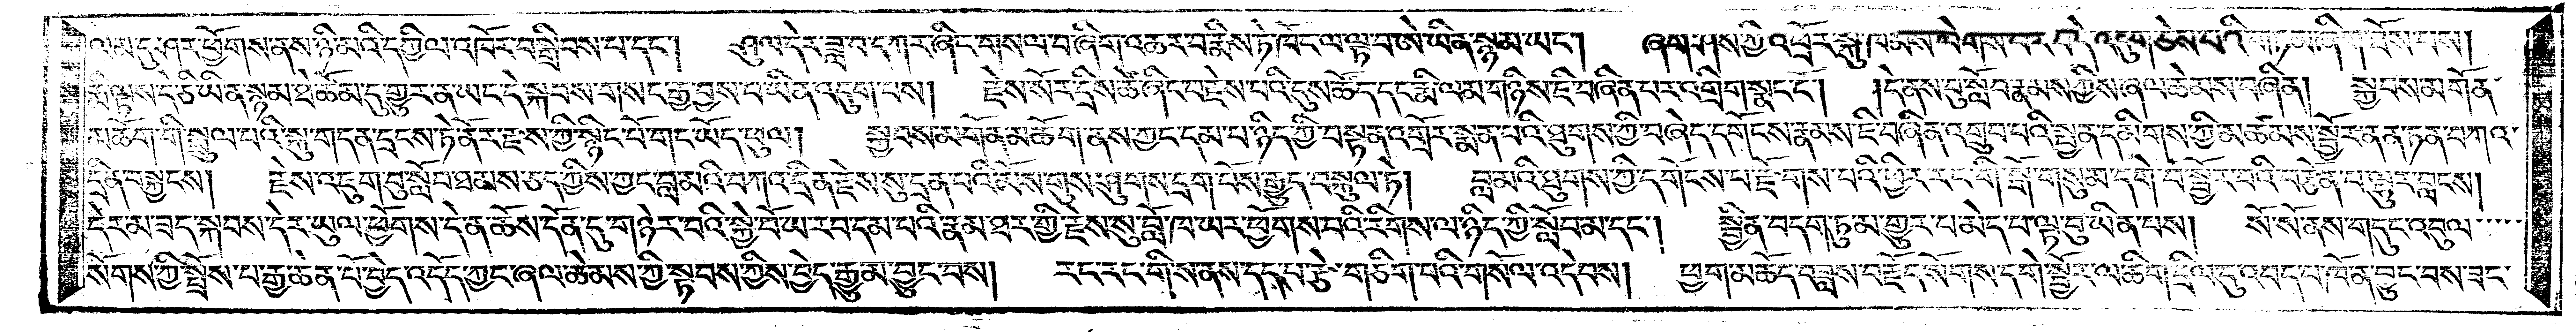ལམ་དུ་ཤར་ཕྱོགས་ནས་ཉི་མའི་དཀྱིལ་འཁོར་བསྒྲིབས་པ་དང་། ཤུལ་དེར་ཟླ་བ་དཀར་ཞིང་གསལ་བ་ཞིག་འཆར་བ་རྨིས་ཏེ་ཁོང་ལ་ལྟ་བ་ཨེ་ཡིན་སྙམ་ཡང་། ཞག་ཤས་ཀྱི་འཕྲོར་སྐུ་ཁམས་ལེགས་པར་བདེ་འདུག་ཅེས་པའི་གཏམ་ཞིག་ཐོས་པས།
རྨི་ལྟས་དེ་ཅི་ཡིན་སྙམ་ཐེ་ཚོམ་དུ་གྱུར་ན་ཡང་དེ་སྐབས་གསང་རྒྱ་བྱས་པ་ཡིན་འདུག་པས། རྗེས་སོར་དྲིས་ཚེ་ཞིང་བརྗེས་པའི་དུས་ཚོད་དང་རྨི་ལམ་གཉིས་ཇི་བཞིན་པར་འགྲིག་སྣང་ངོ། །དེ་ནས་བུ་སློབ་རྣམས་ཀྱིས་ཞལ་ཆེམས་བཞིན། སྐྱབས་མགོན་
མཆོག་གི་སྤྲུལ་པའི་སྐུ་གདན་དྲངས་ཏེ་ནོར་རྫས་ཀྱི་སྙིང་པོ་གང་ཡོད་ཕུལ། སྐྱབས་མགོན་མཆོག་ནས་ཀྱང་དམ་པ་ཉིད་ཀྱི་བསྟན་འགྲོར་སྨན་པའི་ཐུགས་ཀྱི་བཞེད་དགོངས་རྣམས་ཇི་བཞིན་འགྲུབ་པའི་སྤྱན་དམིགས་ཀྱི་མཚམས་སྦྱོར་ནན་ཏན་བཀའ་
དྲིན་བསྐྱངས། རྗེས་འཇུག་བུ་སློབ་ཐམས་ཅད་ཀྱིས་ཀྱང་བླ་མའི་བཀའ་དྲིན་རྗེས་སུ་དྲན་པའི་མོས་གུས་ཤུགས་དྲག་པོས་རྒྱུད་བསྐུལ་ཏེ། བླ་མའི་ཐུགས་ཀྱི་དགོངས་པ་རྫོགས་པའི་ཕྱིར་རང་གི་སྒོ་གསུམ་དགེ་བ་སྦྱོར་བའི་བརྩོན་པ་ལྷུར་བླངས།
དེར་མ་ཟད་སྐབས་དེར་ཡུལ་ཕྱོགས་དེར་ཆོས་དོན་དུ་གཉེར་བའི་སྐྱེ་བོ་ཡ་རབ་དམ་པའི་རྣམ་ཐར་གྱི་རྗེས་སུ་བློ་ཁ་ཡར་ཕྱོགས་པའི་རིགས་ལ་ཉིད་ཀྱི་སློབ་མ་དང་། སྦྱིན་བདག་ཏུ་མ་གྱུར་པ་མེད་པ་ལྟ་བུ་ཡིན་པས། སོ་སོ་ནས་གདུང་འབུལ་
སོགས་ཀྱི་སྤྲོས་པ་རྒྱ་ཆེན་པོ་བྱེད་འདོད་ཀྱང་ཞལ་ཆེམས་ཀྱི་སྟབས་ཀྱིས་བྱེད་རྒྱུ་མ་བྱུང་བས། རང་རང་གི་ས་ནས་དད་པ་རྩེ་གཅིག་པའི་གསོལ་འདེབས། ཕྱག་མཆོད་བཟླས་བརྗོད་སོགས་དགེ་སྦྱོར་ལ་ཆིག་དྲིལ་དུ་འབད་པ་ཁོ་ན་བྱུང་བས་ཟང་